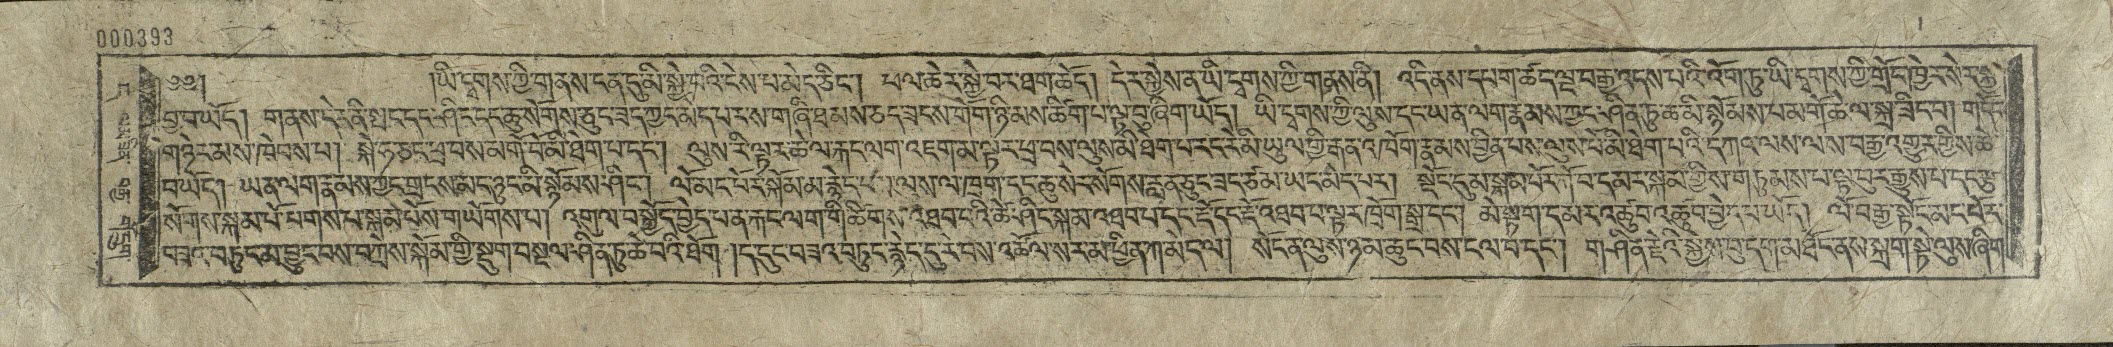༄༅། །ཡི་དྭགས་ཀྱི་གནས་ངན་དུ་མི་སྐྱེ་བའི་ངེས་པ་མེད་ཅིང་། ཕལ་ཆེར་སྐྱེ་བར་ཐག་ཆོད། དེར་སྐྱེས་ན་ཡི་དྭགས་ཀྱི་གནས་ནི། འདི་ནས་དཔག་ཚད་ལྔ་བརྒྱ་འདས་པའི་འོག་ཏུ་ཡི་དྭགས་ཀྱི་གྲོང་ཁྱེར་སེར་སྐྱ་
བྱ་བ་ཡོད། གནས་དེར་ནི་སྤང་དང་ཤིང་དང་ཆུ་སོགས་ཅུང་ཟད་ཀྱང་མེད་པར་ས་གཞི་ཐམས་ཅད་ཟངས་གོག་ཉི་མས་ཚིག་པ་ལྟ་བུ་ཞིག་ཡོད། ཡི་དྭགས་ཀྱི་ལུས་དང་ཡན་ལག་རྣམས་ཀྱང་ཤིན་ཏུ་ཆ་མི་སྙོམས་པ་མགོ་ཆེ་ལ་སྐྲ་ཟིང་བ། གདོང་
གཉེར་མས་ཁེབས་པ། སྐེ་ཧ་ཅང་ཕྲ་བས་མགོ་བོ་མི་ཐེག་པ་དང་། ལུས་རི་ལྟར་ཆེ་ལ་རྐང་ལག་འཇག་མ་ལྟར་ཕྲ་བས་ལུས་མི་ཐེག་པ་རང་རེ་མི་ཡུལ་གྱི་རྒན་འཁོག་རྣམས་བྱིན་པས་ལུས་པོ་མི་ཐེག་པའི་དཀའ་ལས་ལས་བརྒྱ་འགྱུར་གྱིས་ཆེ་
བ་ཡོད། ཡན་ལག་རྣམས་ཀྱང་གྲངས་མང་ཉུང་མི་སྙོམས་ཤིང་། ལོ་མང་པོར་སྐོམ་མ་རྙེད་པས་ལུས་ལ་ཁྲག་དང་ཆུ་སེར་སོགས་རླན་ཅུང་ཟད་ཙམ་ཡང་མེད་པར། སྡོང་དུམ་སྐམ་པོར་ཀོ་བ་དམར་སྐམ་གྱིས་གཏུམས་པ་ལྟ་བུར་རྒྱུས་པ་དང་རྩ་
སོགས་སྐམ་པོ་པགས་པ་སྐམ་པོས་གཡོགས་པ། འགུལ་བསྐྱོད་བྱེད་པ་ན་རྐང་ལག་གི་ཚིགས་འཐབ་པའི་ཚེ་ཤིང་སྐམ་འཐབ་པ་དང་རྡོ་དང་རྡོ་འཐབ་པ་ལྟར་ཁྲོག་སྒྲ་དང་། མེ་སྟག་དམར་འཚུབ་འཚུབ་བྱེད་པ་ཡོད། ལོ་བརྒྱ་སྟོང་མང་པོར་
བཟའ་བཏུང་མ་བྱུང་བས་བཀྲེས་སྐོམ་གྱི་སྡུག་བསྔལ་ཤིན་ཏུ་ཆེ་བའི་ཐོག །ད་དུང་བཟའ་བཏུང་རྙེད་དུ་རེ་བས་འཚོལ་སར་མ་ཕྱིན་ཀ་མེད་ལ། སོང་ན་ལུས་ཉམ་ཆུང་བས་ངལ་བ་དང་། གཤིན་རྗེའི་སྐྱེས་བུ་དག་མཐོང་ནས་སྐྲག་སྟེ་ལུས་ཞིག་